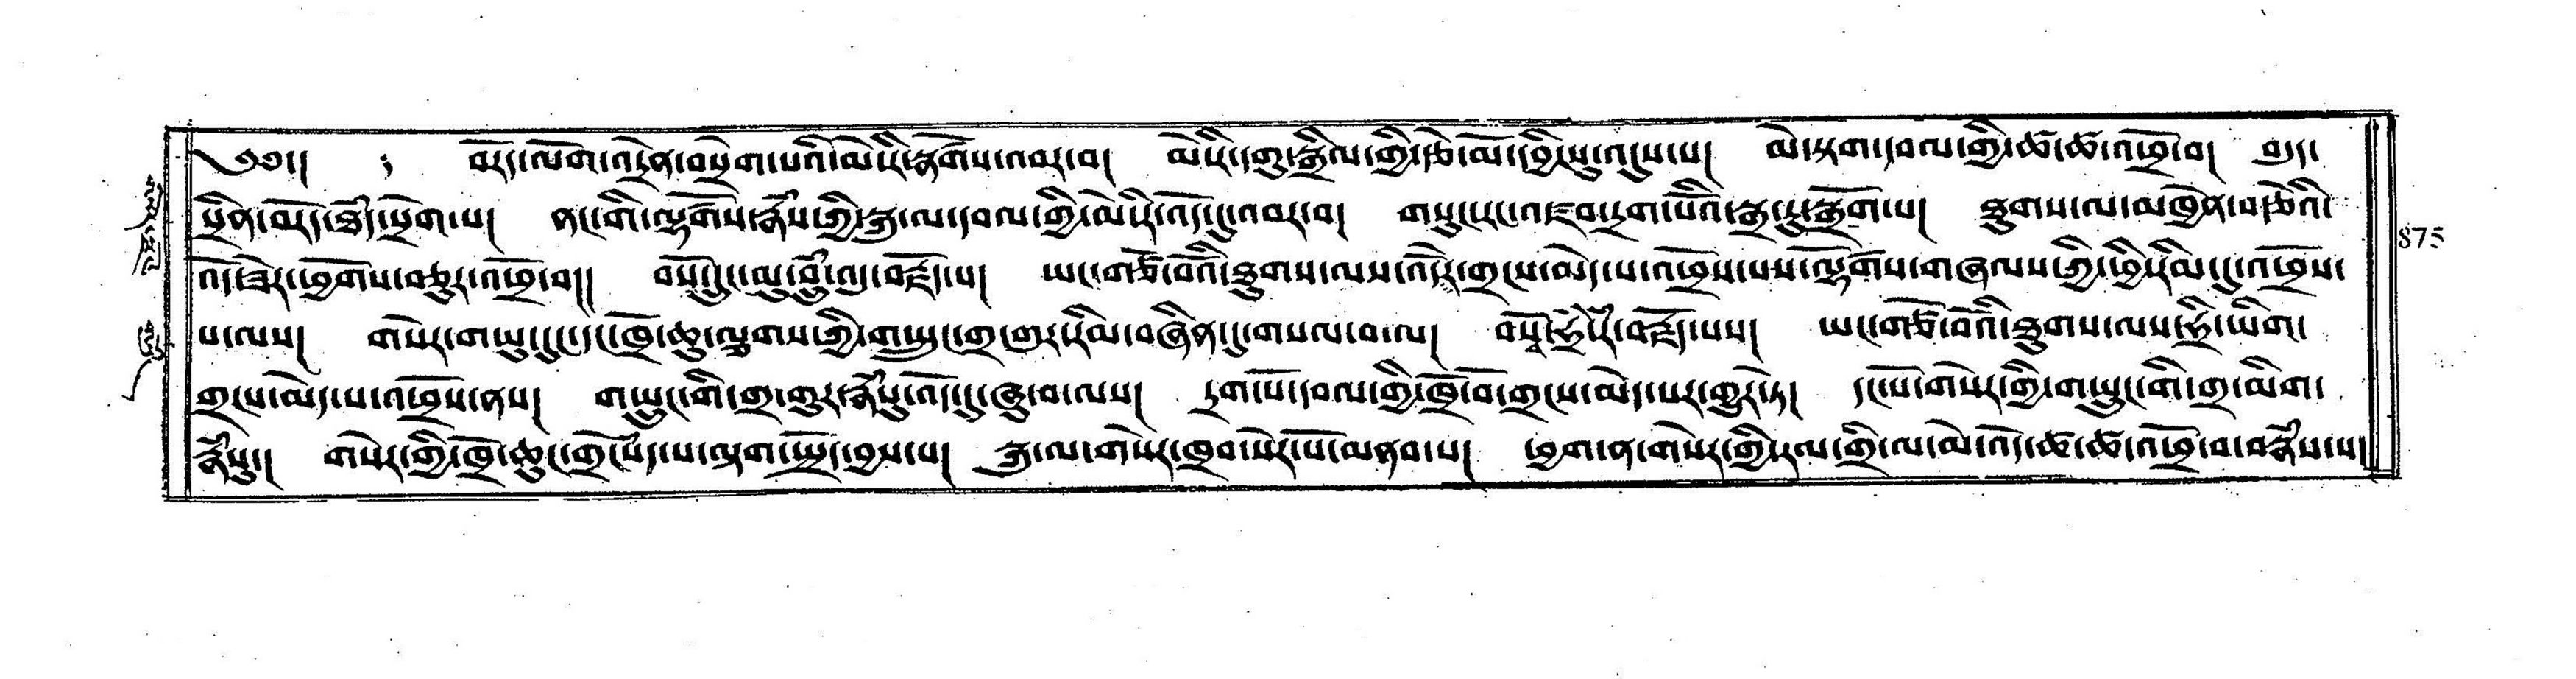བར་ཆོད་ལོག་འདྲེན་བསྲེག་པའི་མེ་རི་སྣ་ཚོགས་འབར་བ། མེ་རི་དགུ་སྒྲིལ་གྱི་རྩེ་མོ་དབྱིངས་སུ་འདུས་པ། མེ་སྟག་དབལ་གྱི་ཚ་ཚ་འཕྲོ་བ། བདུད་
སྲིན་བར་ཆོད་ཐམས་ཅད་སྲེག་པ། ནང་གི་ལྷ་ཚོགས་རྣམས་ཀྱི་སྐུ་ལ་དབལ་གྱི་མེ་རི་འོད་དུ་འབར་བ། གསུང་རང་འཛབ་དྲག་པོའི་སྒྲ་རུ་སྒྲོག་པ། ཐུགས་ལ་མཁྱེན་བརྩེའི་
འོད་ཟེར་ཕྱོགས་བཅུར་འཕྲོ་བ།། བསོ་དྲུང་མུ་བྲུཾ་འདུ་བརྗོད་པ། ཡང་གཙོ་བོའི་ཐུགས་ལས་འོད་ཟེར་གྲངས་མེད་པ་འཕྲོས་པས་ལྷ་ཚོགས་གཞལ་ཡས་ཀྱི་ཕྱི་རིམ་དུ་འཕྲོས་
པ་ལས། གསེར་གཡུ་དུང་དང་ཁྲོ་ཆུ་ལྕགས་ཀྱི་གཡུང་དྲུང་གྲ་གུར་རིམ་བཞིན་དུ་གསལ་བ་ལ། བསྭོ་ཧྲི་རཾ་བརྗོད་པས། ཡང་གཙོ་བོའི་ཐུགས་ལས་ཧྲི་ཡིག་
གྲངས་མེད་པ་འཕྲོས་ནས། གཡུང་དྲུང་གི་གྲ་གུར་རྣམས་སུ་འོད་དུ་ཞུ་བ་ལས། དྲག་པོ་དབལ་གྱི་ཁྲོ་བོ་གྲངས་མེད་པར་གྱུར་ཏེ། དང་པོ་གསེར་གྱི་གཡུང་དྲུང་གི་གྲ་མིག་
རྣམས་སུ། གསེར་གྱི་ཁྲོ་ཆུང་གྲངས་མེད་པ་ལྟག་སྤྲོད་བྱས་པ། སྐུ་ལ་གསེར་ཁྲབ་སེར་པོ་མནབ་པ། ཕྱག་ན་གསེར་གྱི་རལ་གྲི་ལ་མེ་འོད་ཚ་ཚ་འཕྲོ་བ་བསྣམས་པ་